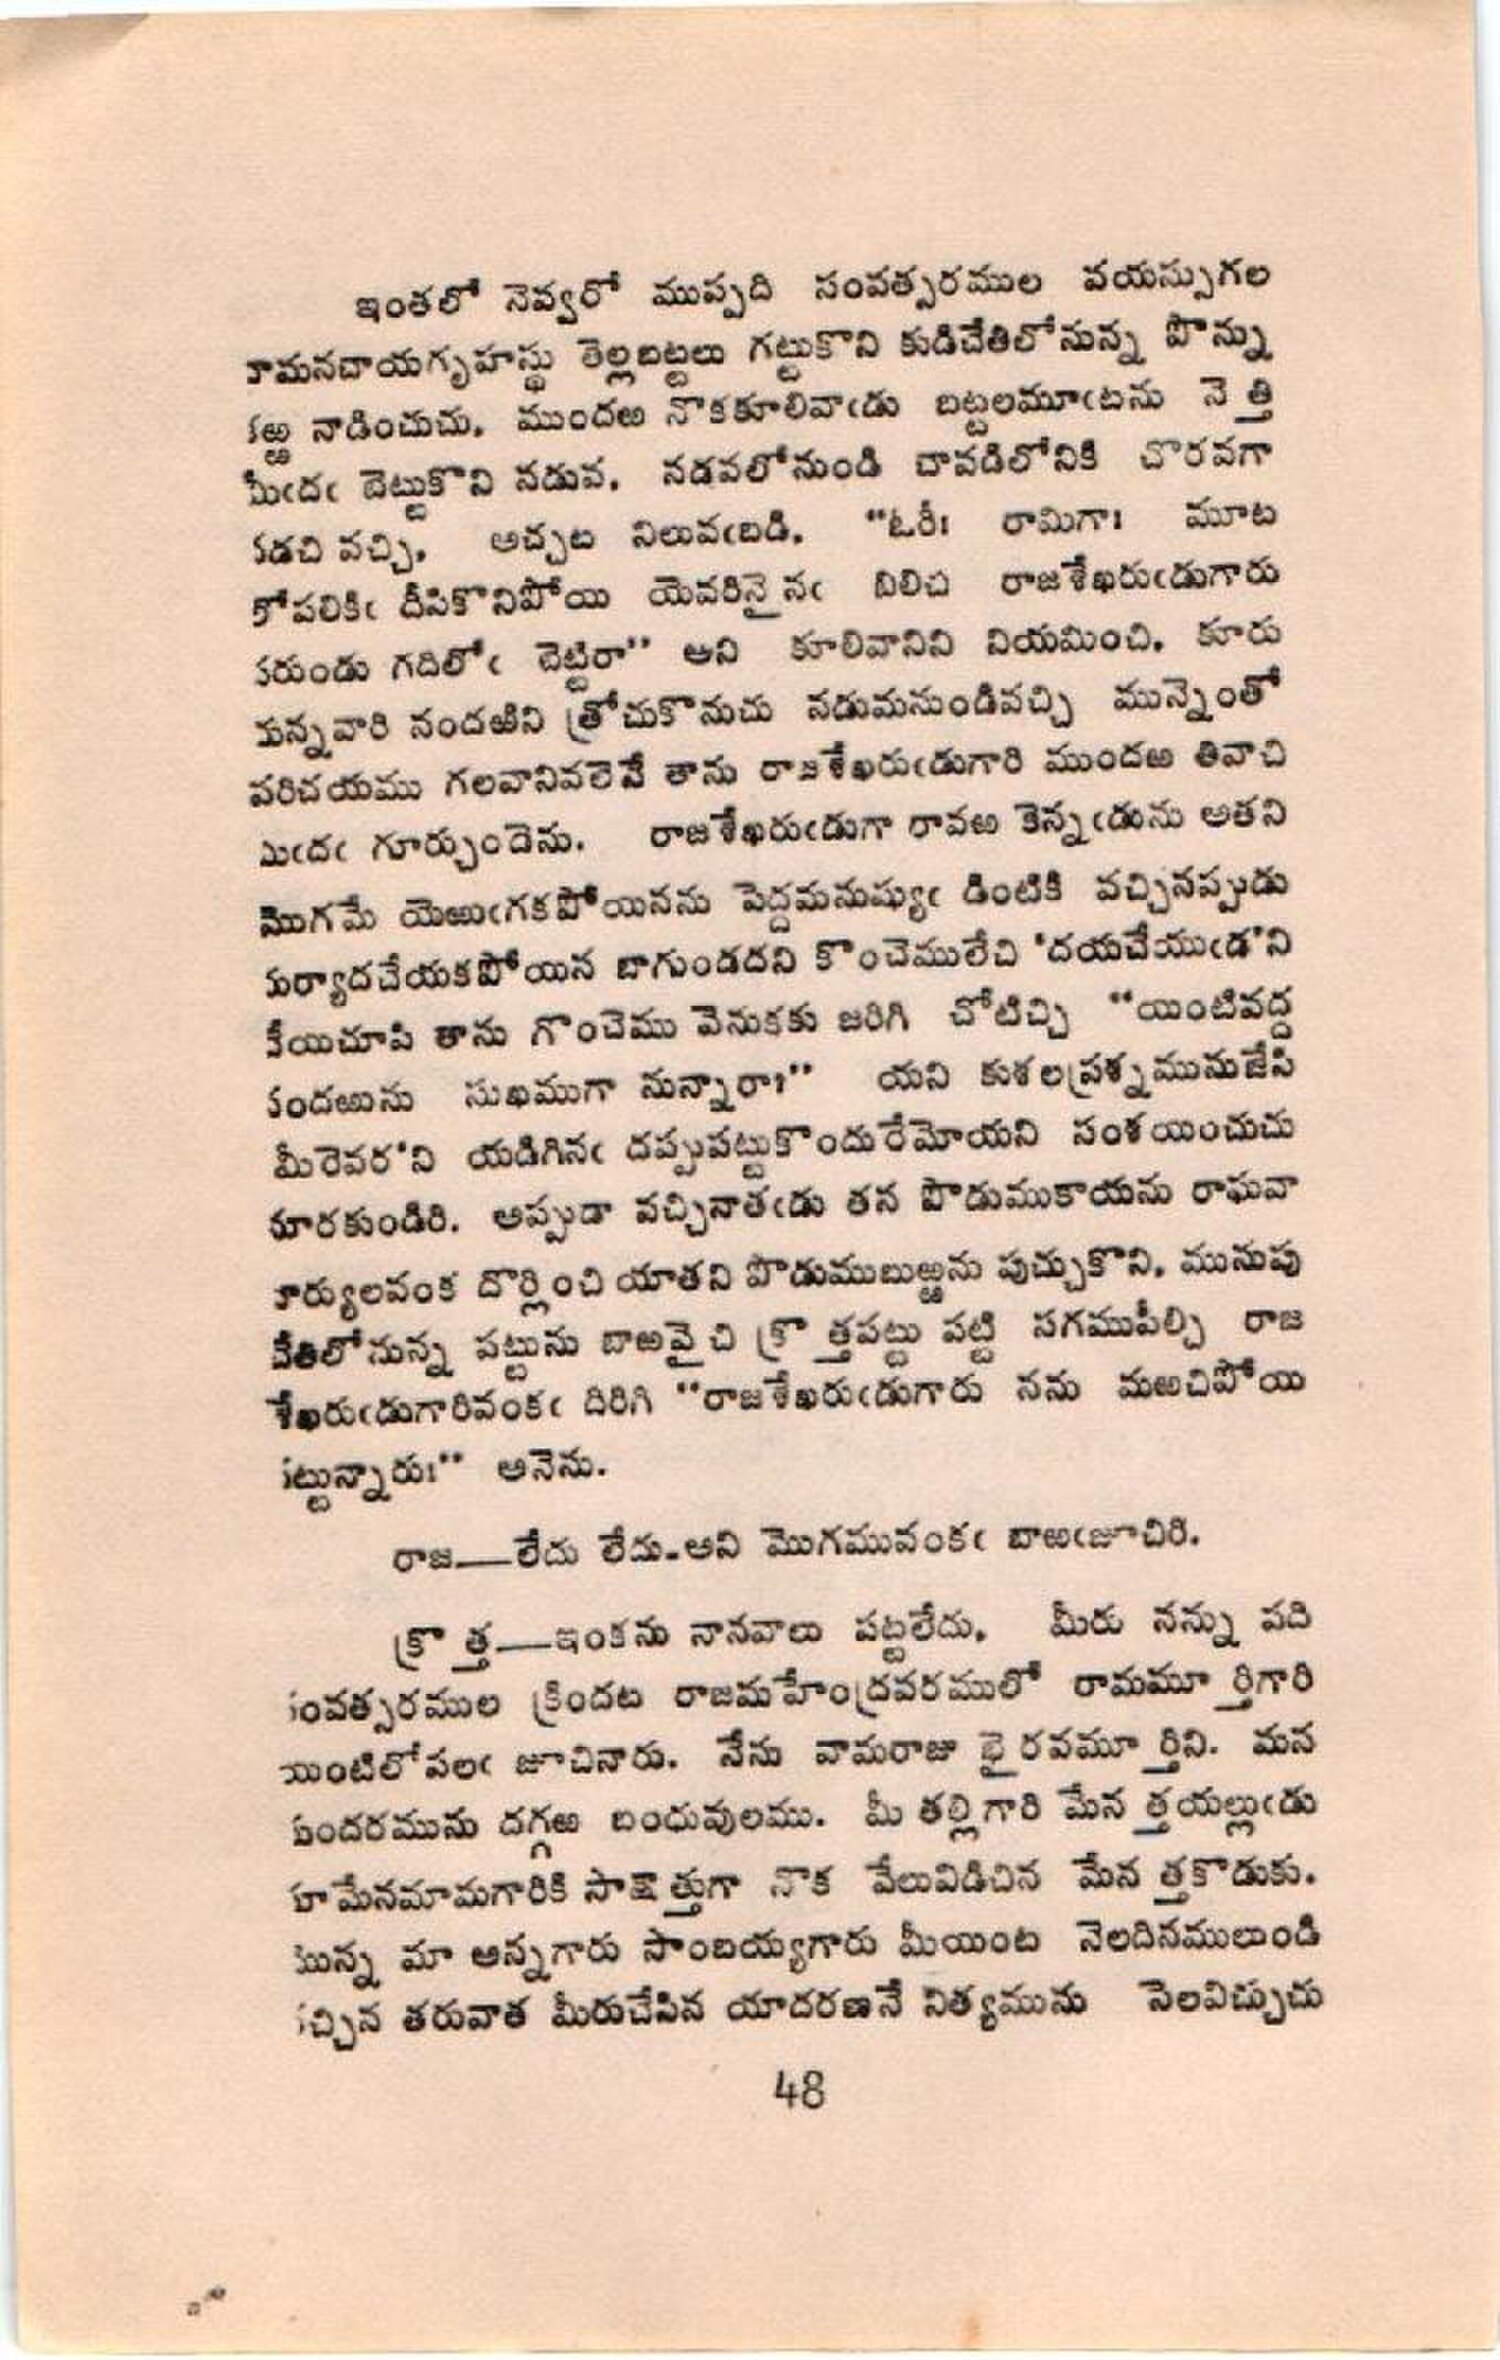ఇంతలో నెవ్వరో ముప్పది సంవత్సరముల వయస్సుగల చామనచాయగృహస్థు తెల్లబట్టలు గట్టుకుని కుడిచేతిలోనున్న పొన్నుకఱ్ఱ నాడించుచు, ముందఱ నొకకూలివాడు బట్టలమూటను నెత్తిమీఁదఁ బెట్టుకొని నడువ, నడవలోనుండి చావడిలోనికి చొరవగా నడచి వచ్చి, అచ్చట నిలువబడి, "ఓరీ! రామిగా! మూట లోపలికిఁ దీసికొనిపోయి యెవరినైనఁ బిలిచి రాజశేఖరుఁడుగారు పరుండు గదిలోఁ బెట్టిరా" అని కూలివానిని నియమించి, కూరు చున్నవారి నందఱిని త్రోచుకొనుచు నడుమనుండివచ్చి మున్నెంతో పరిచయము గలవానివలెనే తాను రాజశేఖరురుడుగారిముందఱ తివాచి మీద గూర్చుండెను. రాజశేఖరుఁడుగా రావఱ కెన్నఁడును అతని మొగమే యెఱుఁగక పోయినను పెద్దమనుష్యు డింటికి వచ్చినప్పుడు మర్యాదచేయకపోయిన బాగుండదని కొంచెము లేచి "దయచేయుఁడ"ని చేయి చూపి తాను గొంచెము వెనుకకు జరిగి చోటిచ్చి "యింటివద్ద నందఱును సుఖముగా నున్నారా?" యని కుశలప్రశ్నమునుజేసి మీరెవరని యడిగినఁ దప్పుపట్టుకొందరేమోయని సంశయించుచు వూరకుండిరి. అప్పడా వచ్చినాతఁడు తన పొడుముకాయను రాఘవా చార్యులవంక దొర్లించి యాతని పొడుముబుఱ్ఱను పుచ్చుకొని, మునుపు చేతిలోనున్న పట్టును బాఱవైచి క్రొత్తపట్టు పట్టి సగముపీల్చి రాజశేఖరుడుగారివంకఁదిరిగి "రాజశేఖరుడు గారు నను మఱచిపోయి నట్టున్నారు:" అనెను.

రాజ__లేదు లేదు.ఆని మొగమువంకఁ బాఱఁజూచిరి.

క్రొత్త__ఇంకను నానవాలు పట్టలేదు. మీరు నన్ను పది సంవత్సరముల క్రిందట రాజమహేంద్రవరములో రామమూర్తిగారి యింటి లోపలఁ జూచినారు. నేను వామరాజు భైరవమూర్తిని మన మందఱమును దగ్గఱ బంధువులము. మీ తల్లిగారి మేనత్తయల్లుఁడు మా మేనమామగారికి సాక్షాత్తుగా నొక వేలువిడిచిన మేనత్తకొడుకు. మొన్న మా అన్నగారు సాంబయ్యగారు మీయింట నెలదినములుండి వచ్చిన తరువాత మీరు చేసిన యాదరణనే నిత్యమును సెలవిచ్చుచు